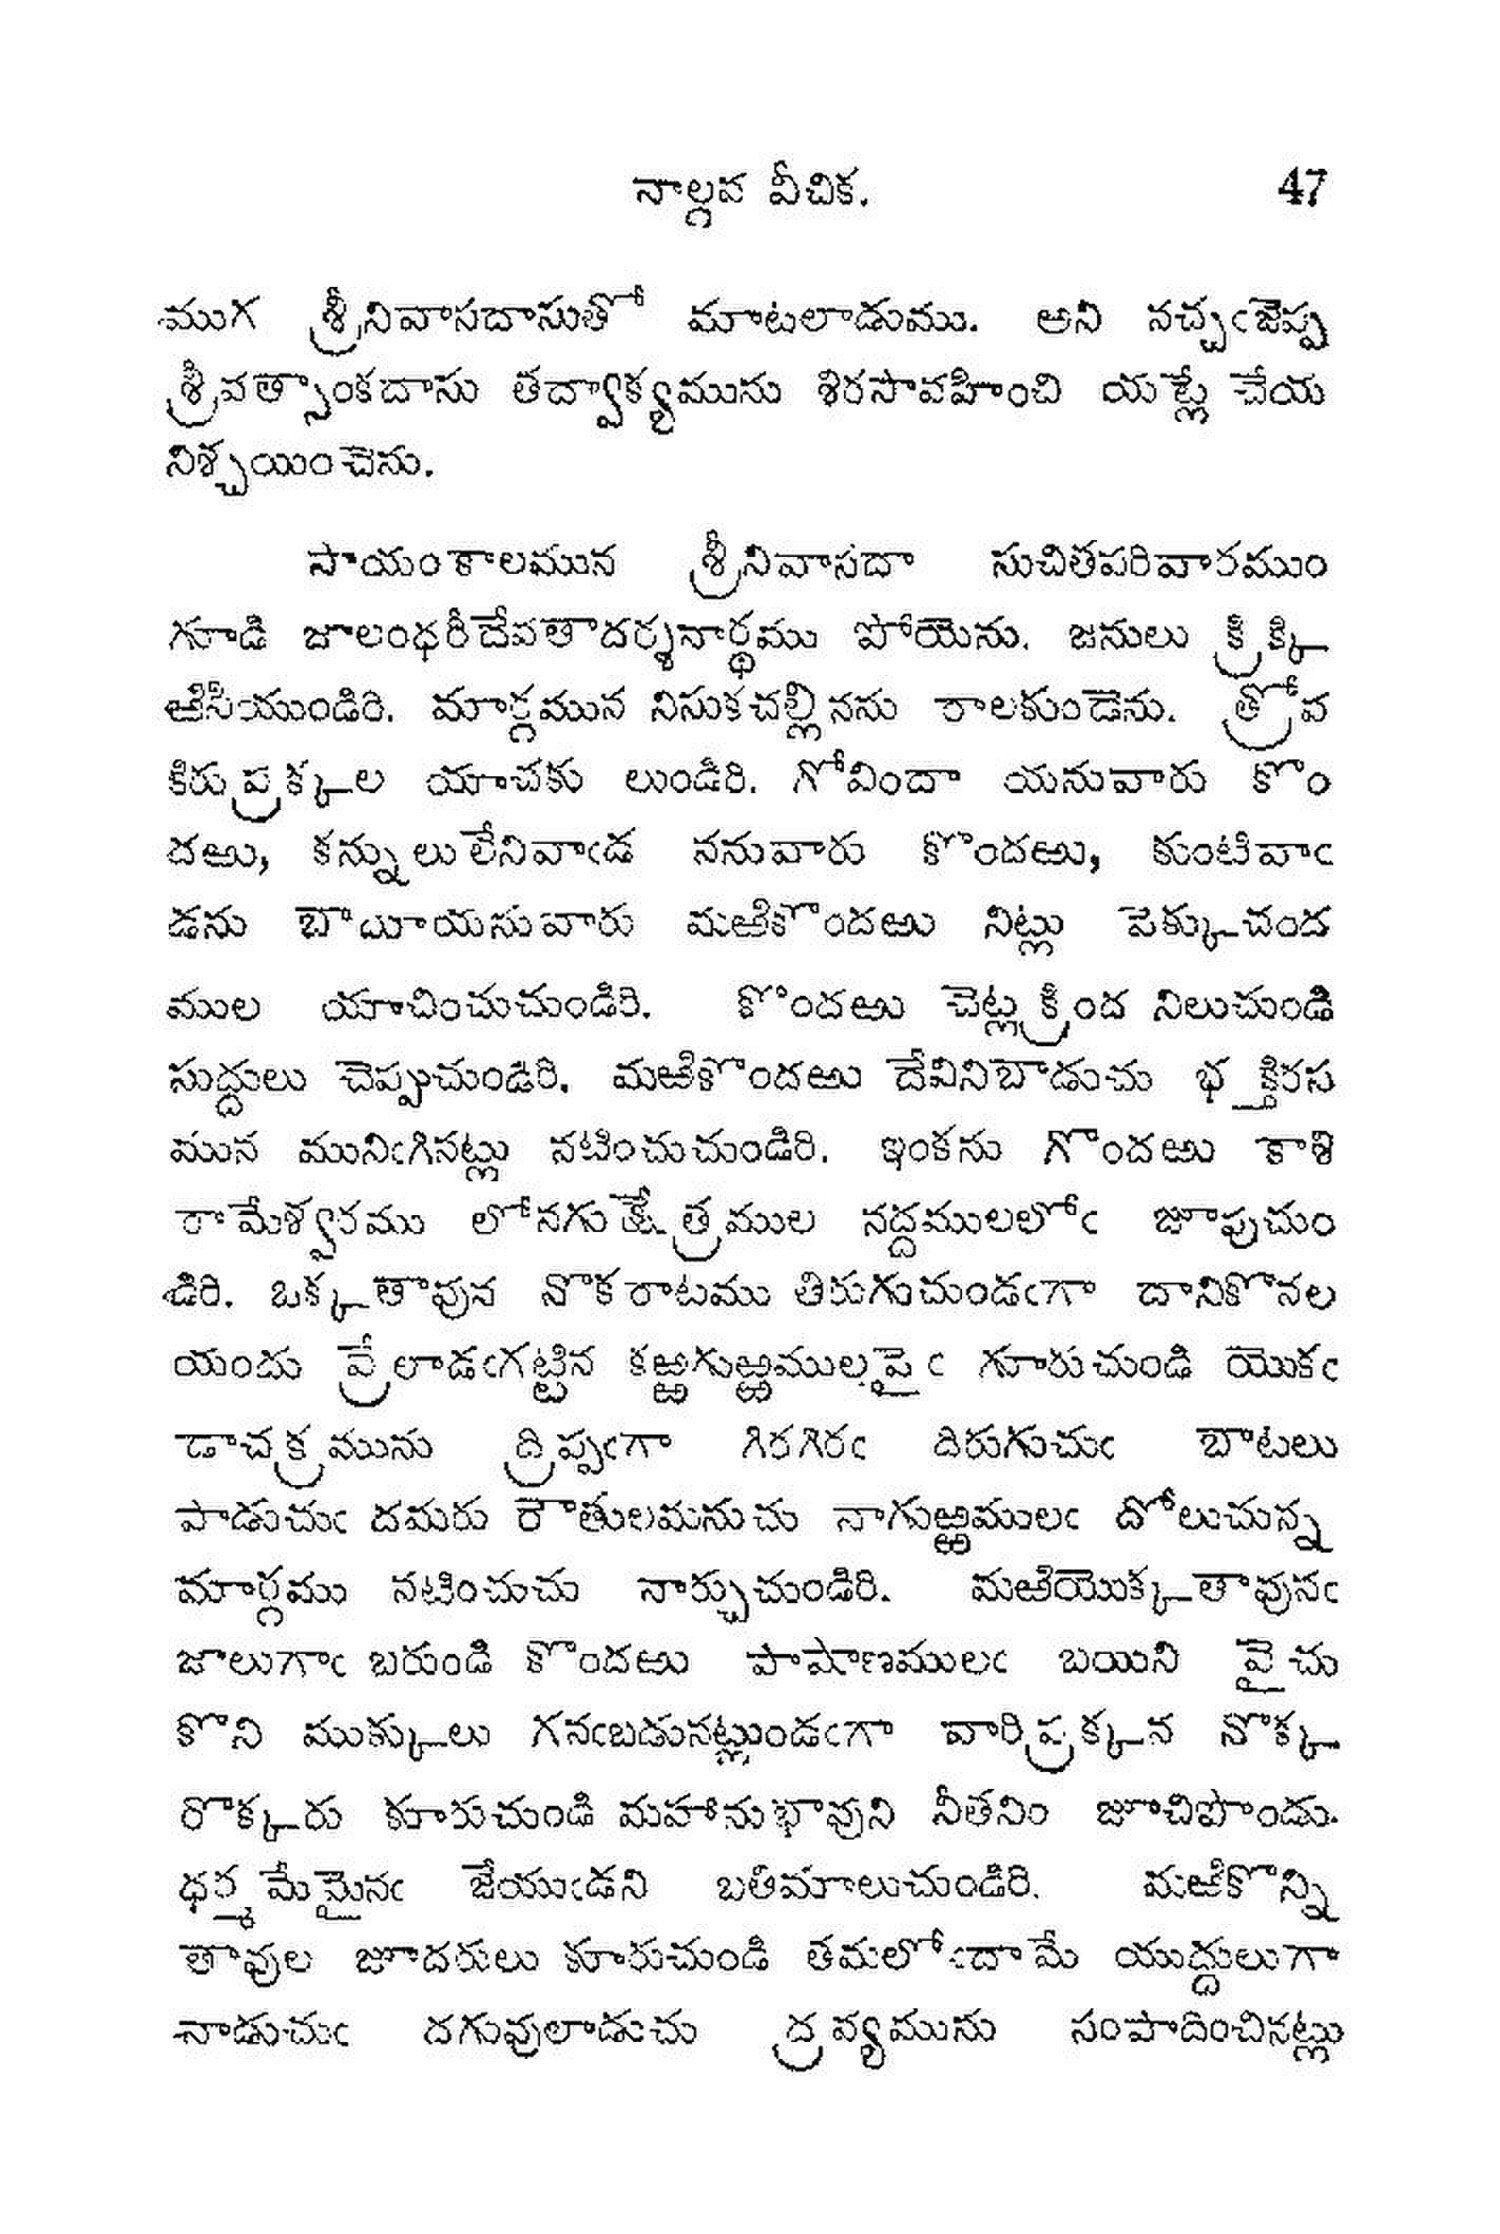ముగ శ్రీనివాసదాసుతో మాటలాడుము. అని నచ్చఁజెప్ప శ్రీవత్సాంకదాసు తద్వాక్యమును శిరసావహించి యట్లే చేయ నిశ్చయించెను.

సాయంకాలమున శ్రీనివాసదా సుచితపరివారముం గూడి జాలంధరీదేవతాదర్శనార్థము పోయెను. జనులు క్రిక్కి ఱిసియుండిరి. మార్గమున నిసుక చల్లి నను రాలకుండెను. త్రోవ కిరు ప్రక్కల యాచకు లుండిరి. గోవిందా యనువారు కొందఱు, కన్నులు లేనివాఁడ ననువారు కొందఱు, కుంటివాఁడను బాబూయనువారు మఱికొందఱు నిట్లు పెక్కుచందముల యాచించుచుండిరి. కొందఱు చెట్ల కింద నిలుచుండి సుద్దులు చెప్పుచుండిరి, మణికొందఱు దేవిని బాడుచు భక్తిరసమున మునిఁగినట్లు నటించుచుండిరి. ఇంకను గొందఱు కాశి రామేశ్వరము లోనగు క్షేత్రముల నద్దములలోఁ జూపుచుండిరి. ఒక్క తావున నొక రాటము తిరుగుచుండఁగా దానికొనల యందు వ్రేలాడఁగట్టిన కఱ్ఱగుఱ్ఱములపైఁ గూరు చుండి యొకఁ డాచక్రమును ద్రిప్పఁగా గిరగిరఁ దిరుగుచుఁ బాటలు పాడుచుఁ దమరు రౌతులమనుచు నాగుఱ్ఱములఁ దోలుచున్న మార్గము నటించుచు నార్చుచుండిరి. మఱియొక్క తావునఁ జాలుగాఁ బరుండి కొందఱు పాషాణములఁ బయిని వైచు కొని ముక్కులు గనఁబడునట్లుండఁగా వారి ప్రక్కన నొక్క రొక్కరు కూరుచుండి మహానుభావుని నీతనిం జూచిపొండు. ధర్మ మేమైనఁ జేయుఁడని బతిమాలుచుండిరి. మఱికొన్ని తావుల జూదరులు కూరుచుండి తమలో దామే యుద్దులుగా నాడుచుఁ దగువులాడుచు ద్రవ్యమును సంపాదించినట్లు